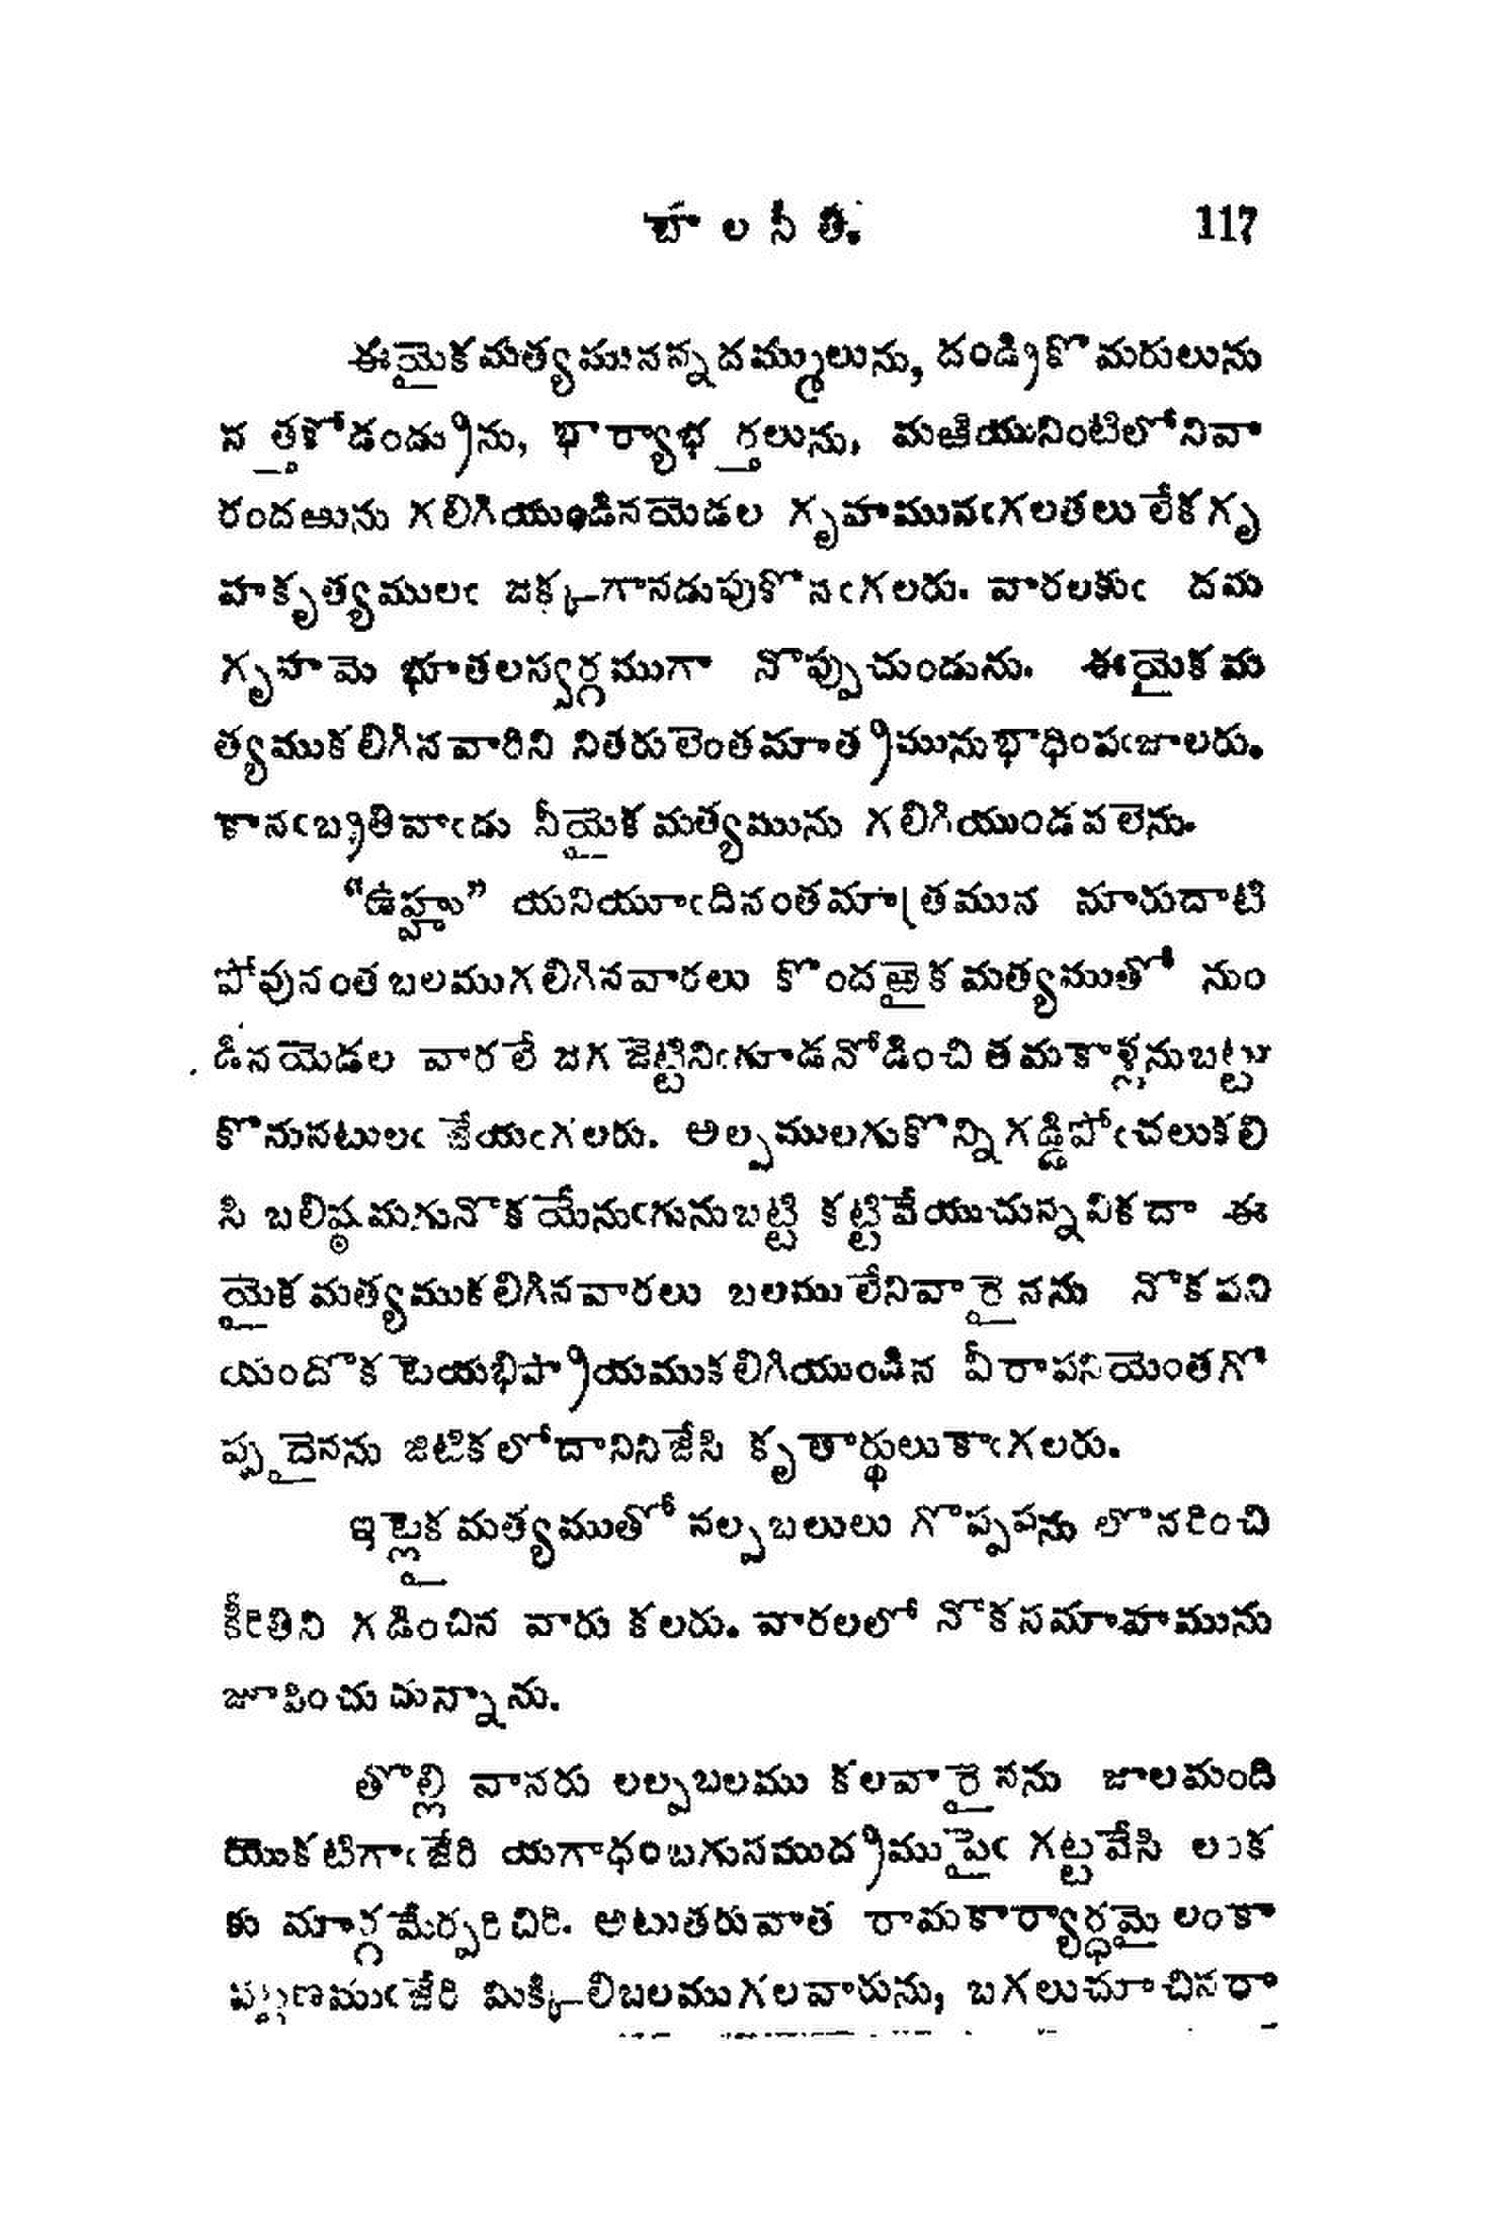ఈయైకమత్యమునన్నదమ్ములును, దండ్రికొమరులును 
నత్తకోడండ్రును, భార్యాభర్తలును, మఱియునింటిలోనివా
రందఱును గలిగియుండినయెడల గృహమునఁగలతలులేకగృ
హకృత్యములఁ జక్కగానడుపుకొనఁగలరు. వారలకుఁ దమ
గృహమె భూతలస్వర్గముగా నొప్పుచుండును. ఈయైకమ
త్యముకలిగినవారిని నితరులెంతమాత్రమును భాధింపఁజాలరు. 
కానఁబ్రతివాఁడు నీయైకమత్యమును గలిగియుండవలెను.
 
"ఉహ్హు" యనియూఁదినంతమాత్రమున నూరుదాటి 
పోవునంతబలముగలిగినవారలు కొందఱైక మత్యముతో నుం
డినయెడల వారలే జగజెట్టినిఁగూడనోడించి తమకాళ్లనుబట్టు
కొనునటులఁ జేయఁగలరు. అల్పములగుకొన్ని గడ్డిపోఁచలుకలి
సి బలిష్ఠమగునొకయేనుఁగునుబట్టి కట్టివేయుచున్నవికదా ఈ
యైకమత్యముకలిగినవారలు బలములేనివారైనను నొకపని
యందొకటె యభిప్రాయముకలిగియుండిన వీరాపనియెంతగొ
ప్పదైనను జిటికలోదానినిజేసి కృతార్థులుకాఁగలరు.

ఇట్లైకమత్యముతో నల్పబలులు గొప్పపను లొనరించి 
కీరితిని గడించినవారు కలరు. వారలలో నొక సమూహమును 
జూపించుచున్నాను.

తొల్లి వానరు లల్పబలము కలవారైనను జాలమంది 
యొకటిగాఁజేరి యగాధంబగుసముద్రముపైఁ గట్టవేసి లంక
కు మార్గమేర్పరచిరి. అటుతరువాత రామకార్యార్ధమై లంకా
పట్టణముఁజేరి మిక్కిలిబలముగలవారును, బగలుచూచినరా